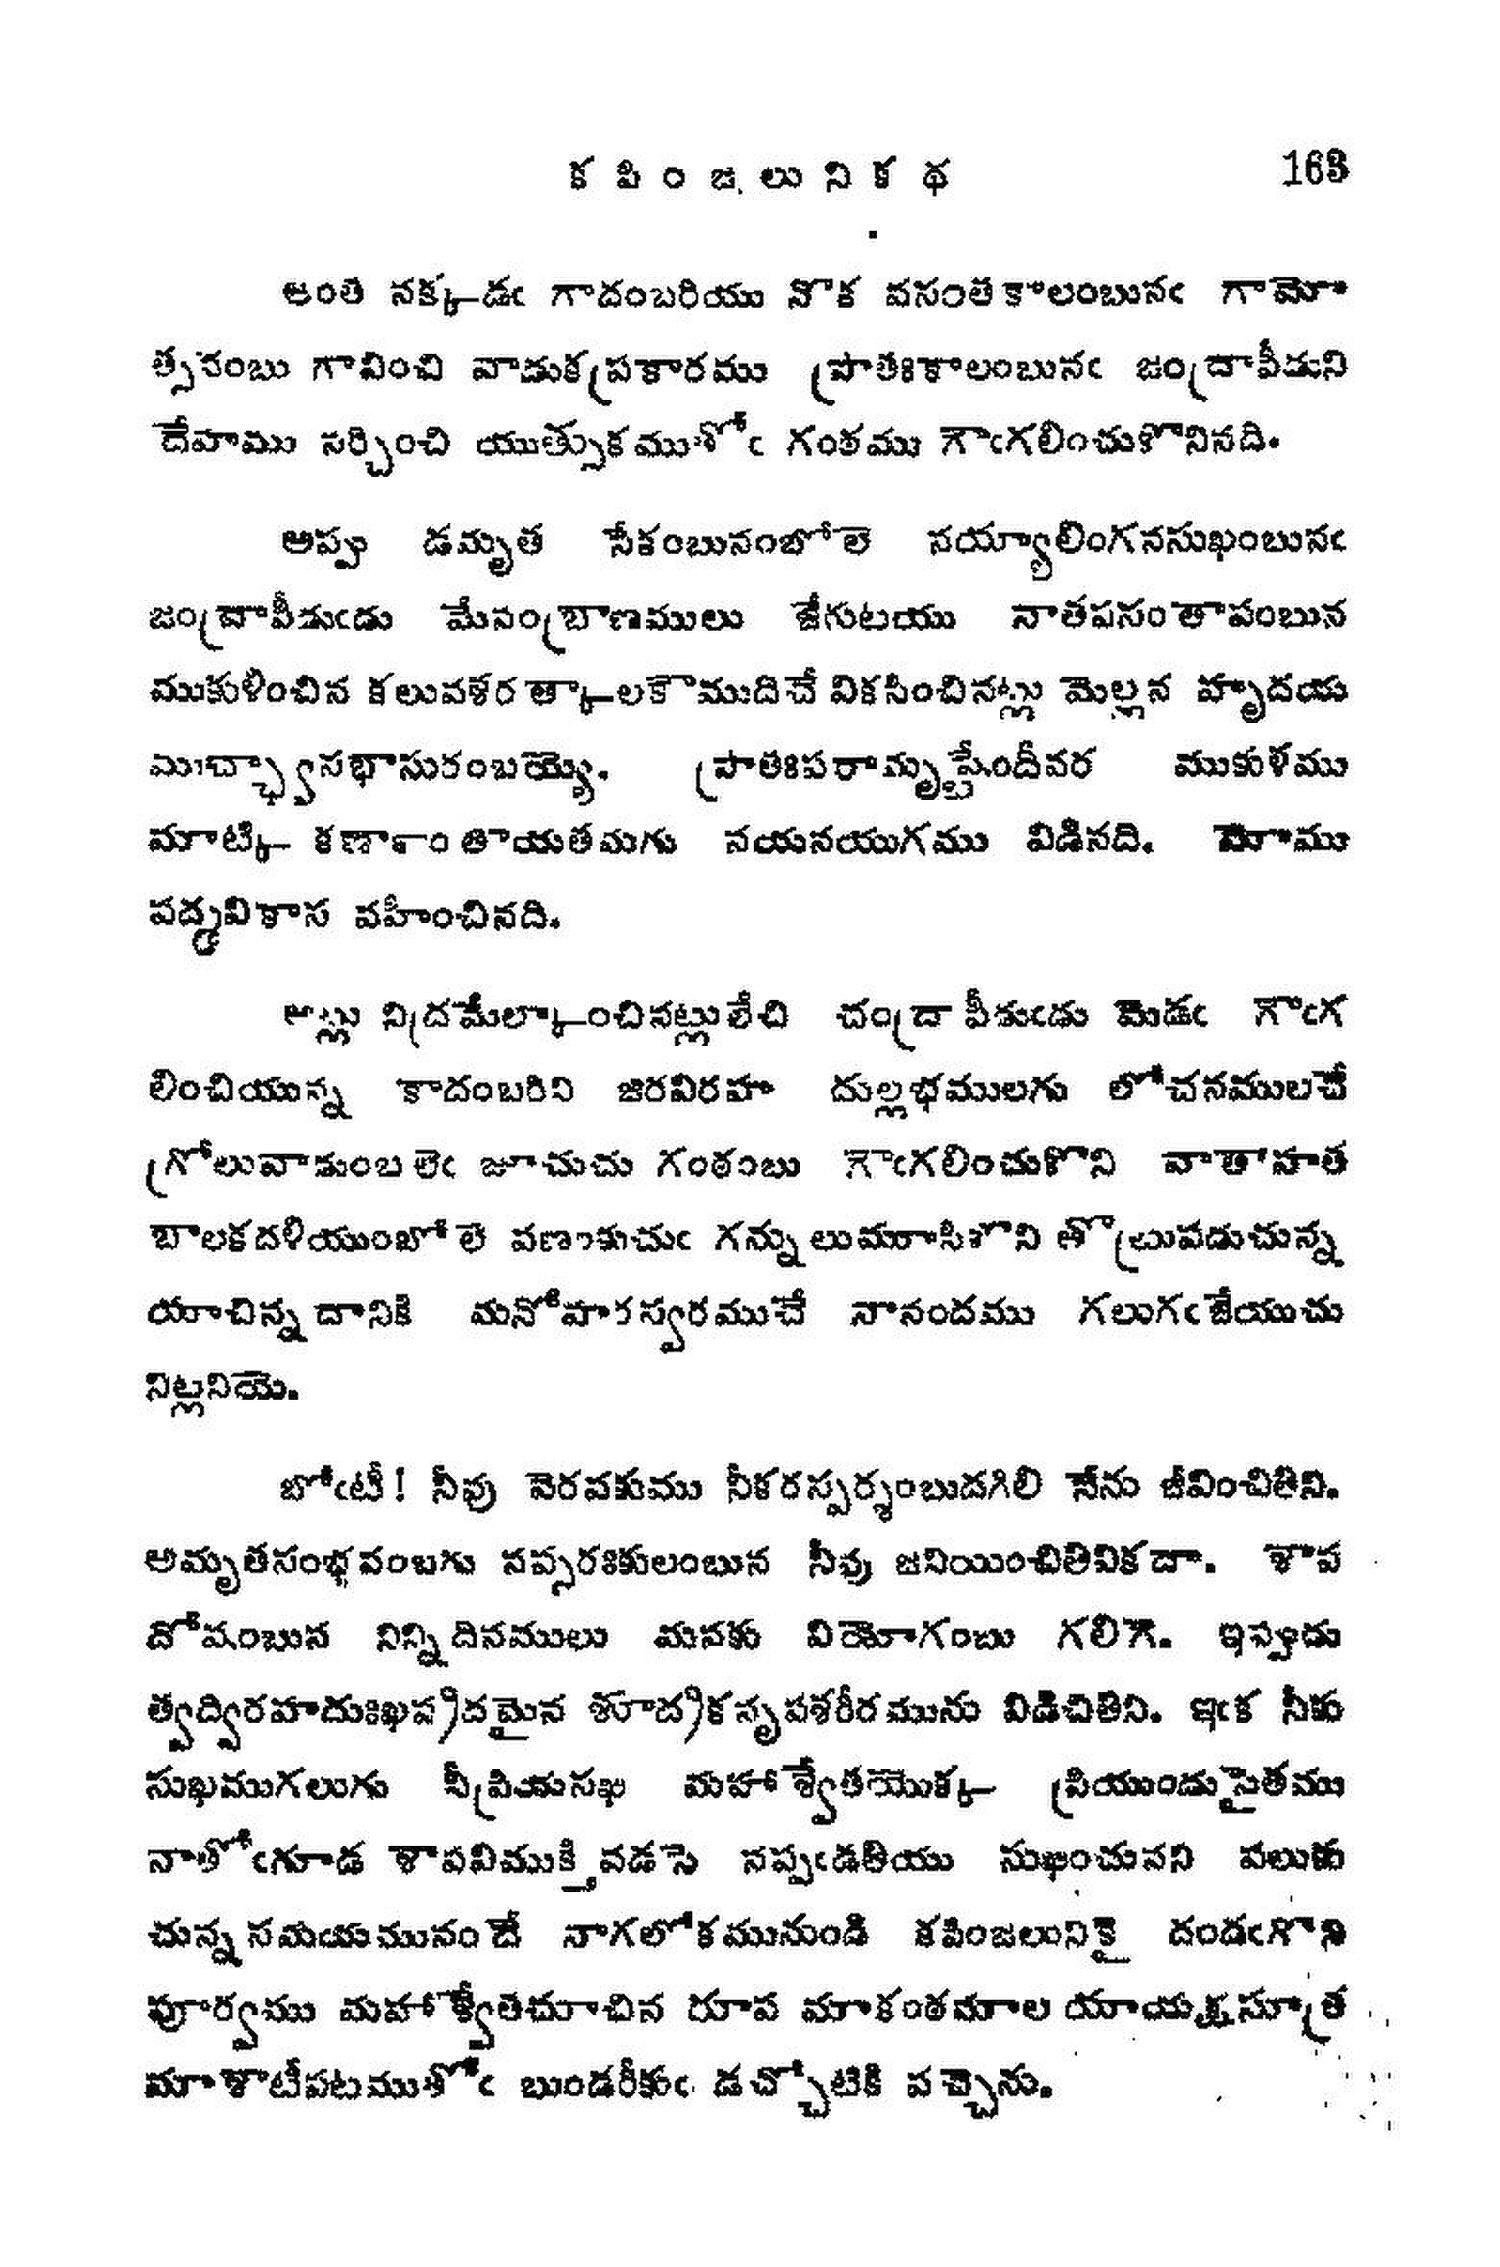అంత నక్కడఁ గాదంబరియు నొక వసంతకాలంబునఁ గామోత్సవంబు గావించి వాడుకప్రకారము ప్రాతఃకాలంబునఁ జంద్రాపీడుని దేహము నర్చించి యుత్సుకముతోఁ గంఠము గౌఁగలించుకొనినది.

అప్పు డమృత సేకంబునంబోలె నయ్యాలింగనసుఖంబునఁ జంద్రాపీడుఁడు మేనంబ్రాణములు జేరుటయు నాతపసంతాపంబున ముకుళించిన కలువశరత్కాలకౌముదిచే వికసించినట్లు మెల్లన హృదయ ముచ్ఛ్వాసభాసురంబయ్యె. ప్రాతఃపరామృష్టేందీవర ముకుళము మాట్కి కణా౯ంతాయతమగు నయనయుగము విడినది. మోము పద్మవికాస వహించినది.

అట్లు నిద్రమేల్కాంచినట్లులేచి చంద్రాపీడుఁడు మెడఁ గౌఁగలించియున్న కాదంబరిని జిరవిరహ దుల్లభములగు లోచనములచే గ్రోలువాడుంబలెఁ జూచుచు గంఠంబు గౌఁగలించుకొని వాతాహత బాలకదళియుంబోలె వణంకుచుఁ గన్నులుమూసికొని తొట్రుపడుచున్న యాచిన్నదానికి మనోహరస్వరముచే నానందము గలుగఁజేయుచు నిట్లనియె.

బోఁటీ! నీవు వెరవకుము నీకరస్పర్శంబుదగిలి నేను జీవించితిని. అమృతసంభవంబగు నప్సరఃకులంబున నీవు జనియించితివికదా. శాపదోషంబున నిన్నిదినములు మనకు వియోగంబు గలిగె. ఇప్పుడు త్వద్విరహదుఃఖప్రదమైన శూద్రకనృపశరీరమును విడిచితిని. ఇఁక నీకు సుఖముగలుగు నీప్రియసఖి మహాశ్వేతయొక్క ప్రియుండుసైతము నాతోఁగూడ శాపవిముక్తివడసె నప్పఁడతియు సుఖించునని పలుకుచున్న సమయమునందే నాగలోకమునుండి కపింజలునికై దండఁగొని పూర్వము మహాశ్వేతచూచిన రూప మాకంఠమాల యాయక్షసూత్ర మాశాటీపటముతోఁ బుండరీకుఁ డచ్చోటికి వచ్చెను.